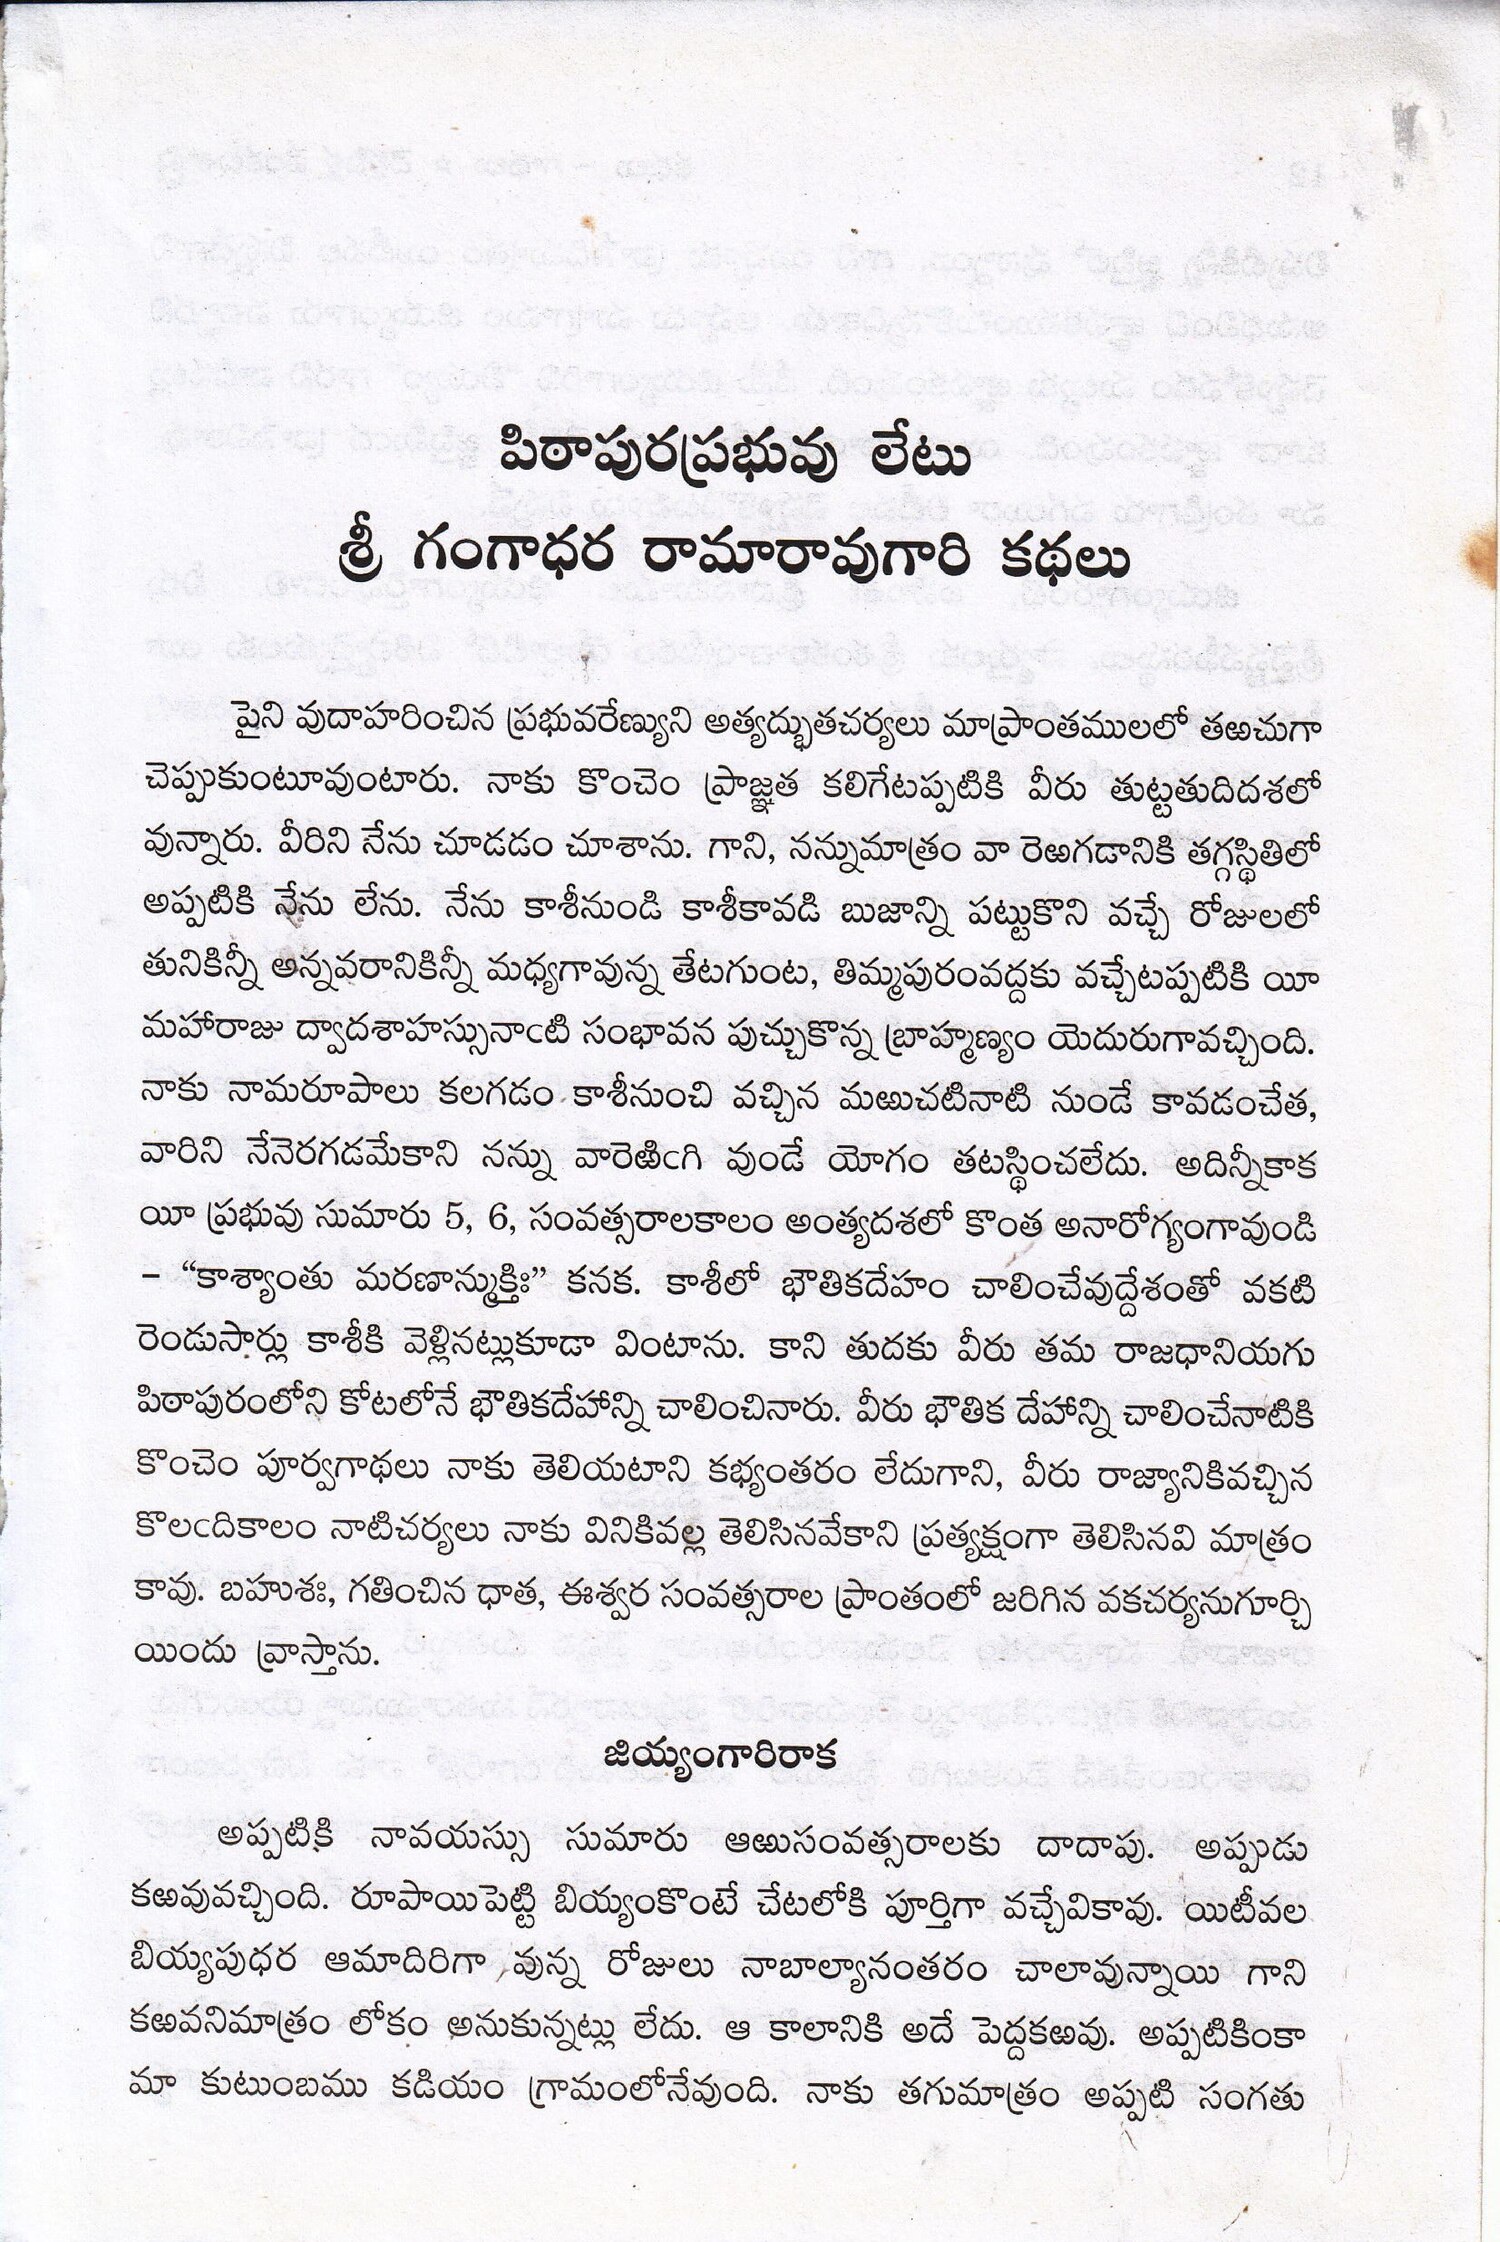పైని వుదాహరించిన ప్రభువరేణ్యుని అత్యద్భుతచర్యలు మాప్రాంతములలో తఱచుగా చెప్పకుంటూవుంటారు. నాకు కొంచెం ప్రాజ్ఞత కలిగేటప్పటికి వీరు తుట్టతుదిదశలో వున్నారు. వీరిని నేను చూడడం చూశాను. గాని, నన్నుమాత్రం వా రెఱగడానికి తగ్గస్థితిలో అప్పటికి నేను లేను. నేను కాశీనుండి కాశీకావడి బుజాన్ని పట్టుకొని వచ్చే రోజులలో తునికిన్నీ అన్నవరానికిన్నీ మధ్యగావున్న తేటగుంట, తిమ్మపురంవద్దకు వచ్చేటప్పటికి యీ మహారాజు ద్వాదశాహస్సునాఁటి సంభావన పుచ్చుకొన్న బ్రాహ్మణ్యం యెదురుగావచ్చింది. నాకు నామరూపాలు కలగడం కాశీనుంచి వచ్చిన మఱుచటినాటి నుండే కావడంచేత, వారిని నేనెరగడమేకాని నన్ను వారెఱిఁగి వుండే యోగం తటస్థించలేదు. అదిన్నీకాక యీ ప్రభువు సుమారు 5, 6, సంవత్సరాలకాలం అంత్యదశలో కొంత అనారోగ్యంగావుండి - "కాశ్యాంతు మరణాన్ముక్తి" కనక. కాశీలో భౌతికదేహం చాలించేవుద్దేశంతో వకటి రెండుసార్లు కాశీకి వెళ్లినట్లుకూడా వింటాను. కాని తుదకు వీరు తమ రాజధానియగు పిఠాపురంలోని కోటలోనే భౌతికదేహాన్ని చాలించినారు. వీరు భౌతిక దేహాన్ని చాలించేనాటికి కొంచెం పూర్వగాథలు నాకు తెలియటాని కభ్యంతరం లేదుగాని, వీరు రాజ్యానికివచ్చిన కొలఁదికాలం నాటిచర్యలు నాకు వినికివల్ల తెలిసినవేకాని ప్రత్యక్షంగా తెలిసినవి మాత్రం కావు. బహుశః, గతించిన ధాత, ఈశ్వర సంవత్సరాల ప్రాంతంలో జరిగిన వకచర్యనుగూర్చి యిందు వ్రాస్తాను.

అప్పటికి నావయస్సు సుమారు ఆఱుసంవత్సరాలకు దాదాపు. అప్పుడు కఱవువచ్చింది. రూపాయిపెట్టి బియ్యంకొంటే చేటలోకి పూర్తిగా వచ్చేవికావు. యిటీవల బియ్యపుధర ఆమాదిరిగా వున్న రోజులు నాబాల్యానంతరం చాలావున్నాయి గాని కఱవనిమాత్రం లోకం అనుకున్నట్లు లేదు. ఆ కాలానికి అదే పెద్దకఱవు. అప్పటికింకా
మా కుటుంబము కడియం గ్రామంలోనేవుంది. నాకు తగుమాత్రం అప్పటి సంగతు